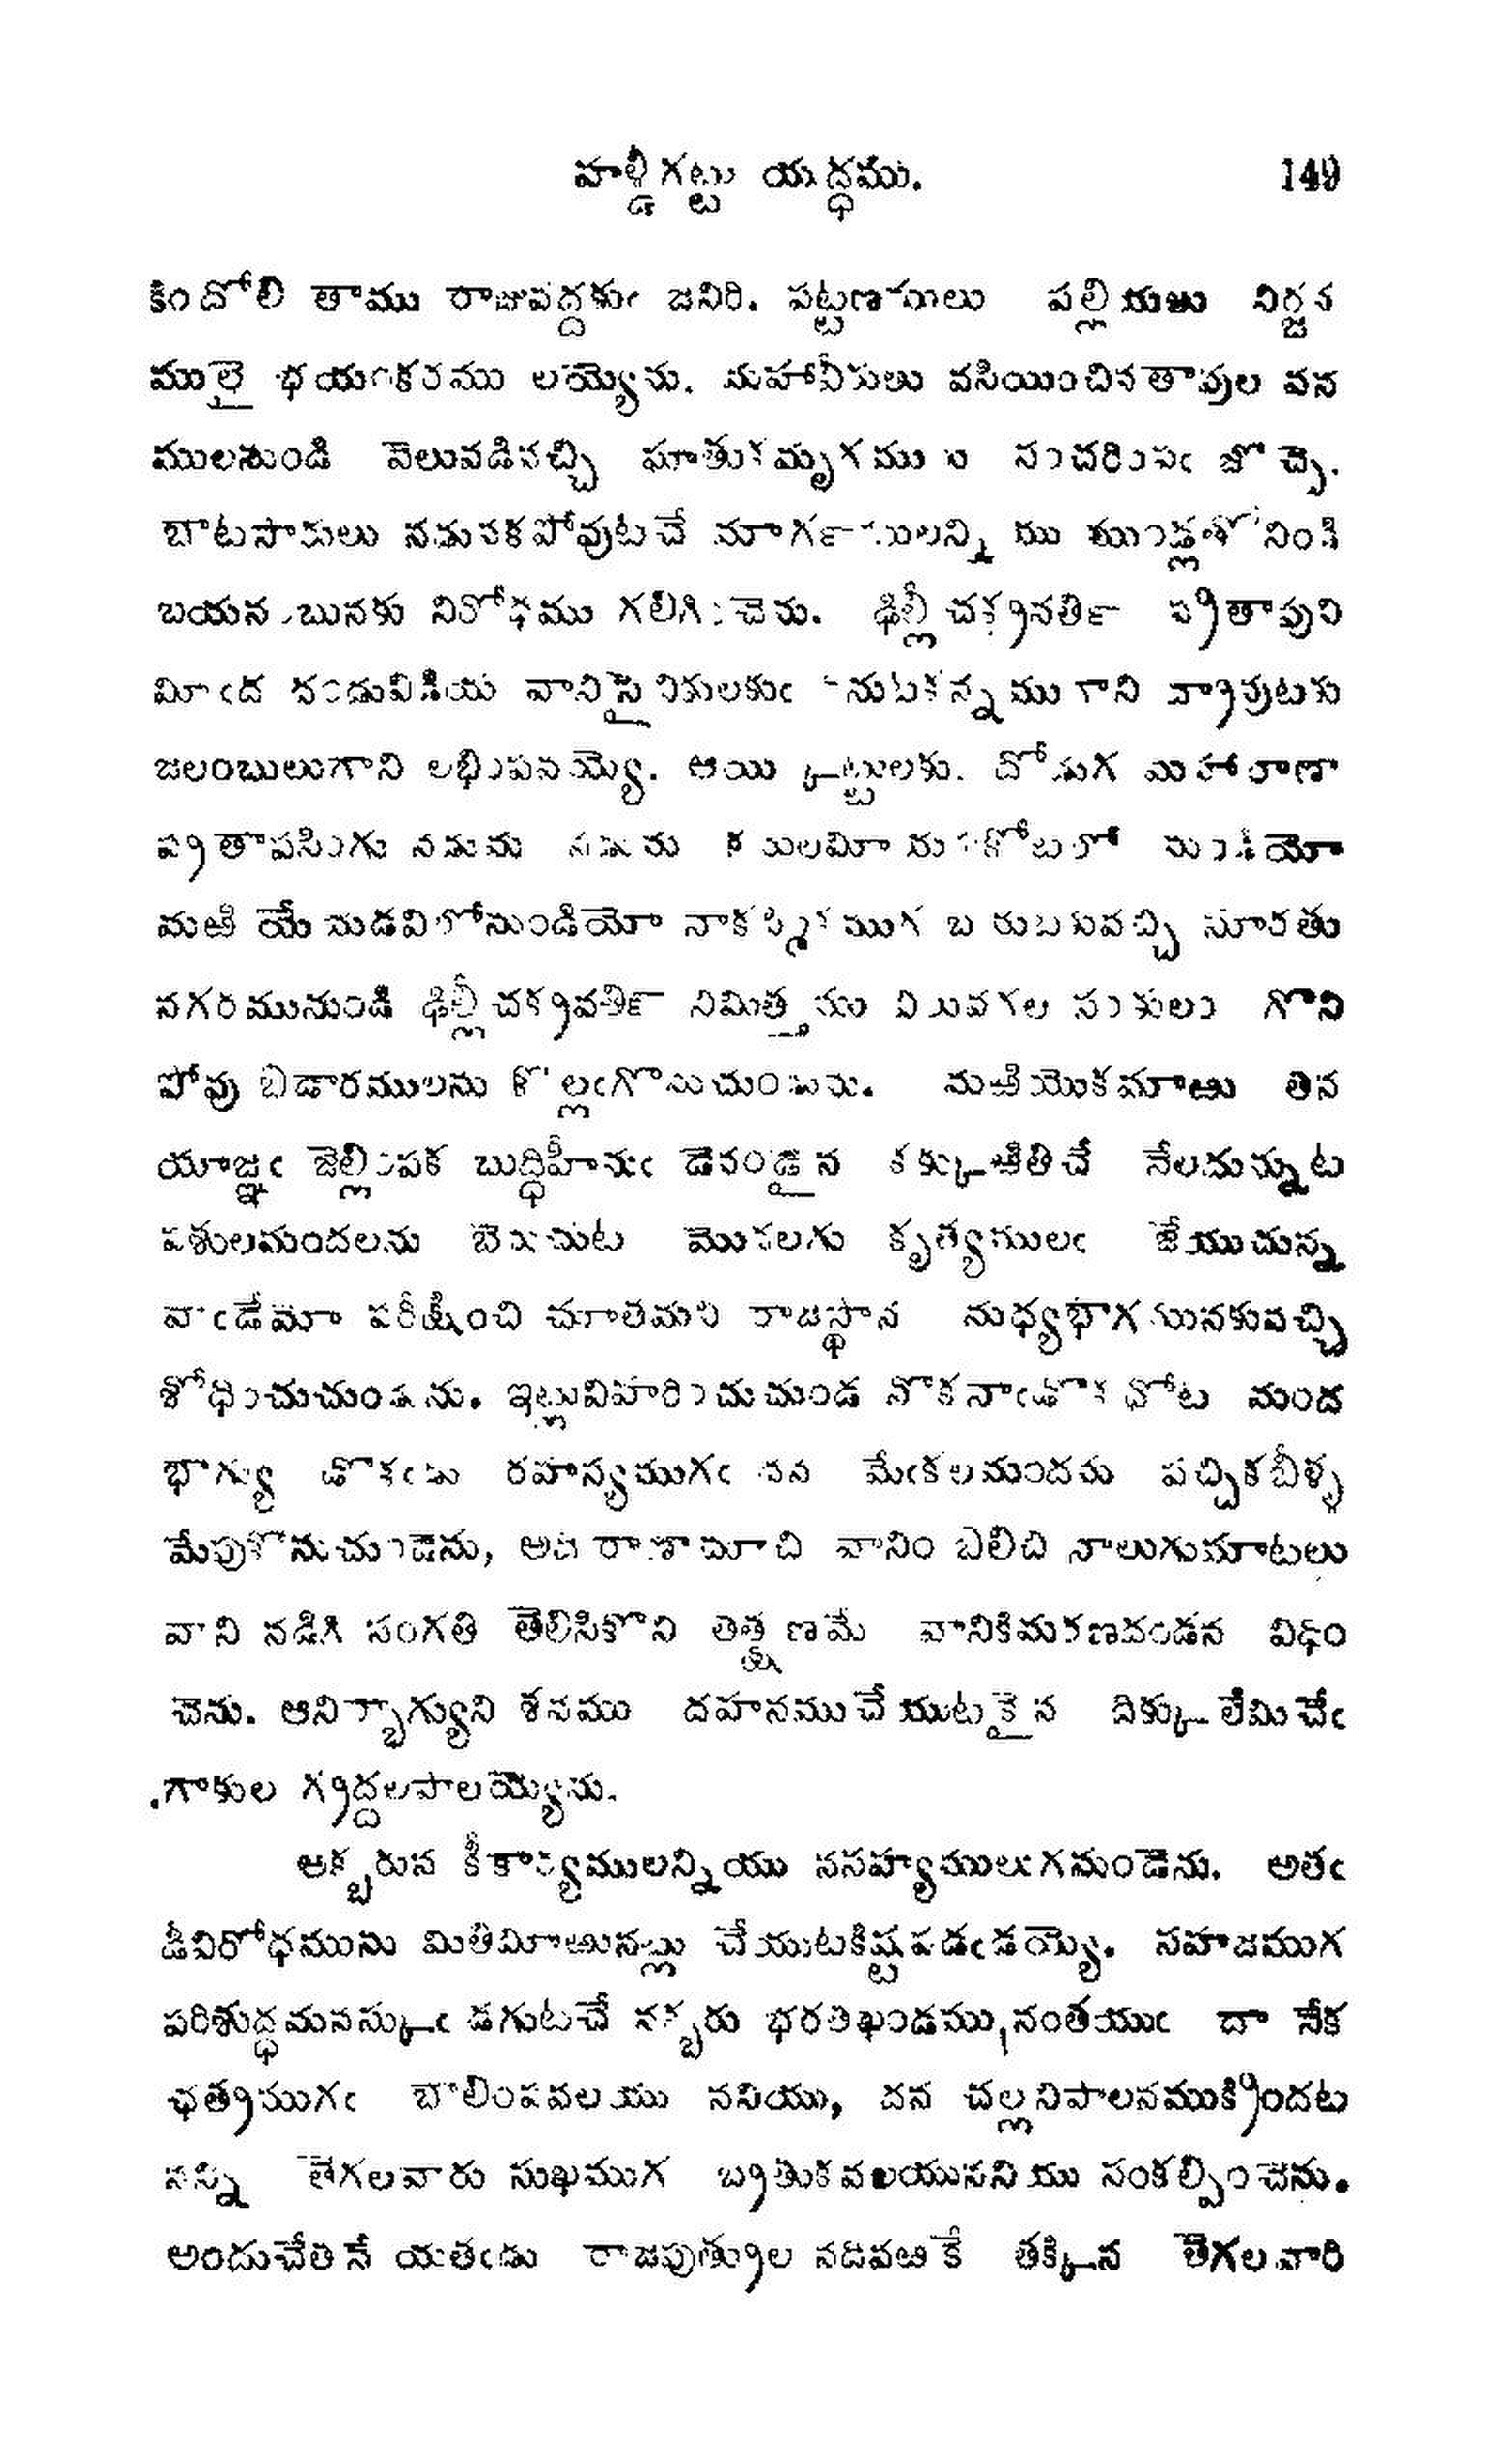కిందోలి తాము రాజు వద్దకుఁ జనిరి. పట్టణములు పల్లియలు నిర్జనములై భయంకరము లయ్యెను. మహావీరులు వసియించిన తావుల వన
ములనుండి వెలువడివచ్చి ఘాతుక మృగములు సంచరింపఁ జోచ్చె.బాటసారులు నడువకక పోవుటచే మాగ౯ములన్నియు ముండ్లతో నిండి
బయనంబునకు నిరోధము గలిగించెరు. ఢిల్లీ చక్రవతి౯ ప్రతాపుని మీఁద దండువిడియ వాని సైనికులకుఁ దినుట కన్నము కాని ద్రావుటకు
జలంబులుగాని లభింపవయ్యె. ఆయిక్కట్టులకు దోడుగ మహారాణా ప్రతాపసింగు నడుమ నడుమ కమలమియరు కోటలో నుండియో
మఱి యే యడవి లోనుండియో నాకస్మికముగ బయటకువచ్చి సూరతు నగరమునుండి ఢిల్లీ చక్రవతి౯ నిమిత్తము విలువగల సరకులం గొనిపోవు బిడారములను కోల్లఁగొనుచుండును. మణియొకమాఱు తన యాజ్నఁ జెల్లింపక బుద్ధిహీనుఁ డెవండై న కక్కుఱితిచే నేలదున్నుట పశులమందలను బెంచుట మొదలగు కృత్యమలఁ జేయుచున్న వాఁడేమో పరీక్షించి చూతమని రాజస్థాన మధ్య భాగమునకువచ్చి
శోధించుచుండును. ఇత్లువిహరించు చుండ నొక నాఁడోక చోట మంద భాగ్యుడోకఁడు రహస్యముగఁ దన మేఁకల మందను పచ్చిక బీళ్ళ
మేపుకొనుచుండెను, అది రాణాచూచి వాని బిలిచి నాలుగుమాటలు వాని నడిగి సంగతి తెలిసికొని తక్షణమె వానికి మరణదండన విధించెను.
ఆనిర్బాగ్యుని శవము దహనము చేయుటకై న దిక్కులేమిచేఁ గాకుల గ్రద్దల పాలయ్యెను.

ఆక్బరున కీకార్యములన్నియు నసహ్యములు గనుండెను. అతఁడీవిరోధమును మితి మీఱునట్లు చేయుటకిష్టపడఁడయ్యె. సహజముగ పరిశుద్ధ మనస్కుఁ డగుటచే నక్బరు భరతఖండము నంతయుఁ దా నేక ఛత్రముగఁ బాలింప వలయు ననియు, దన చల్లనిపాలనముక్రిందట
నన్ని తెగలవారు సుఖముగ బ్రతుక వలయుననియు సంకల్పించెను. అందుచేతనే యతఁడు రాజపుత్రుల నదివఱకే తక్కిన తెగల వారి